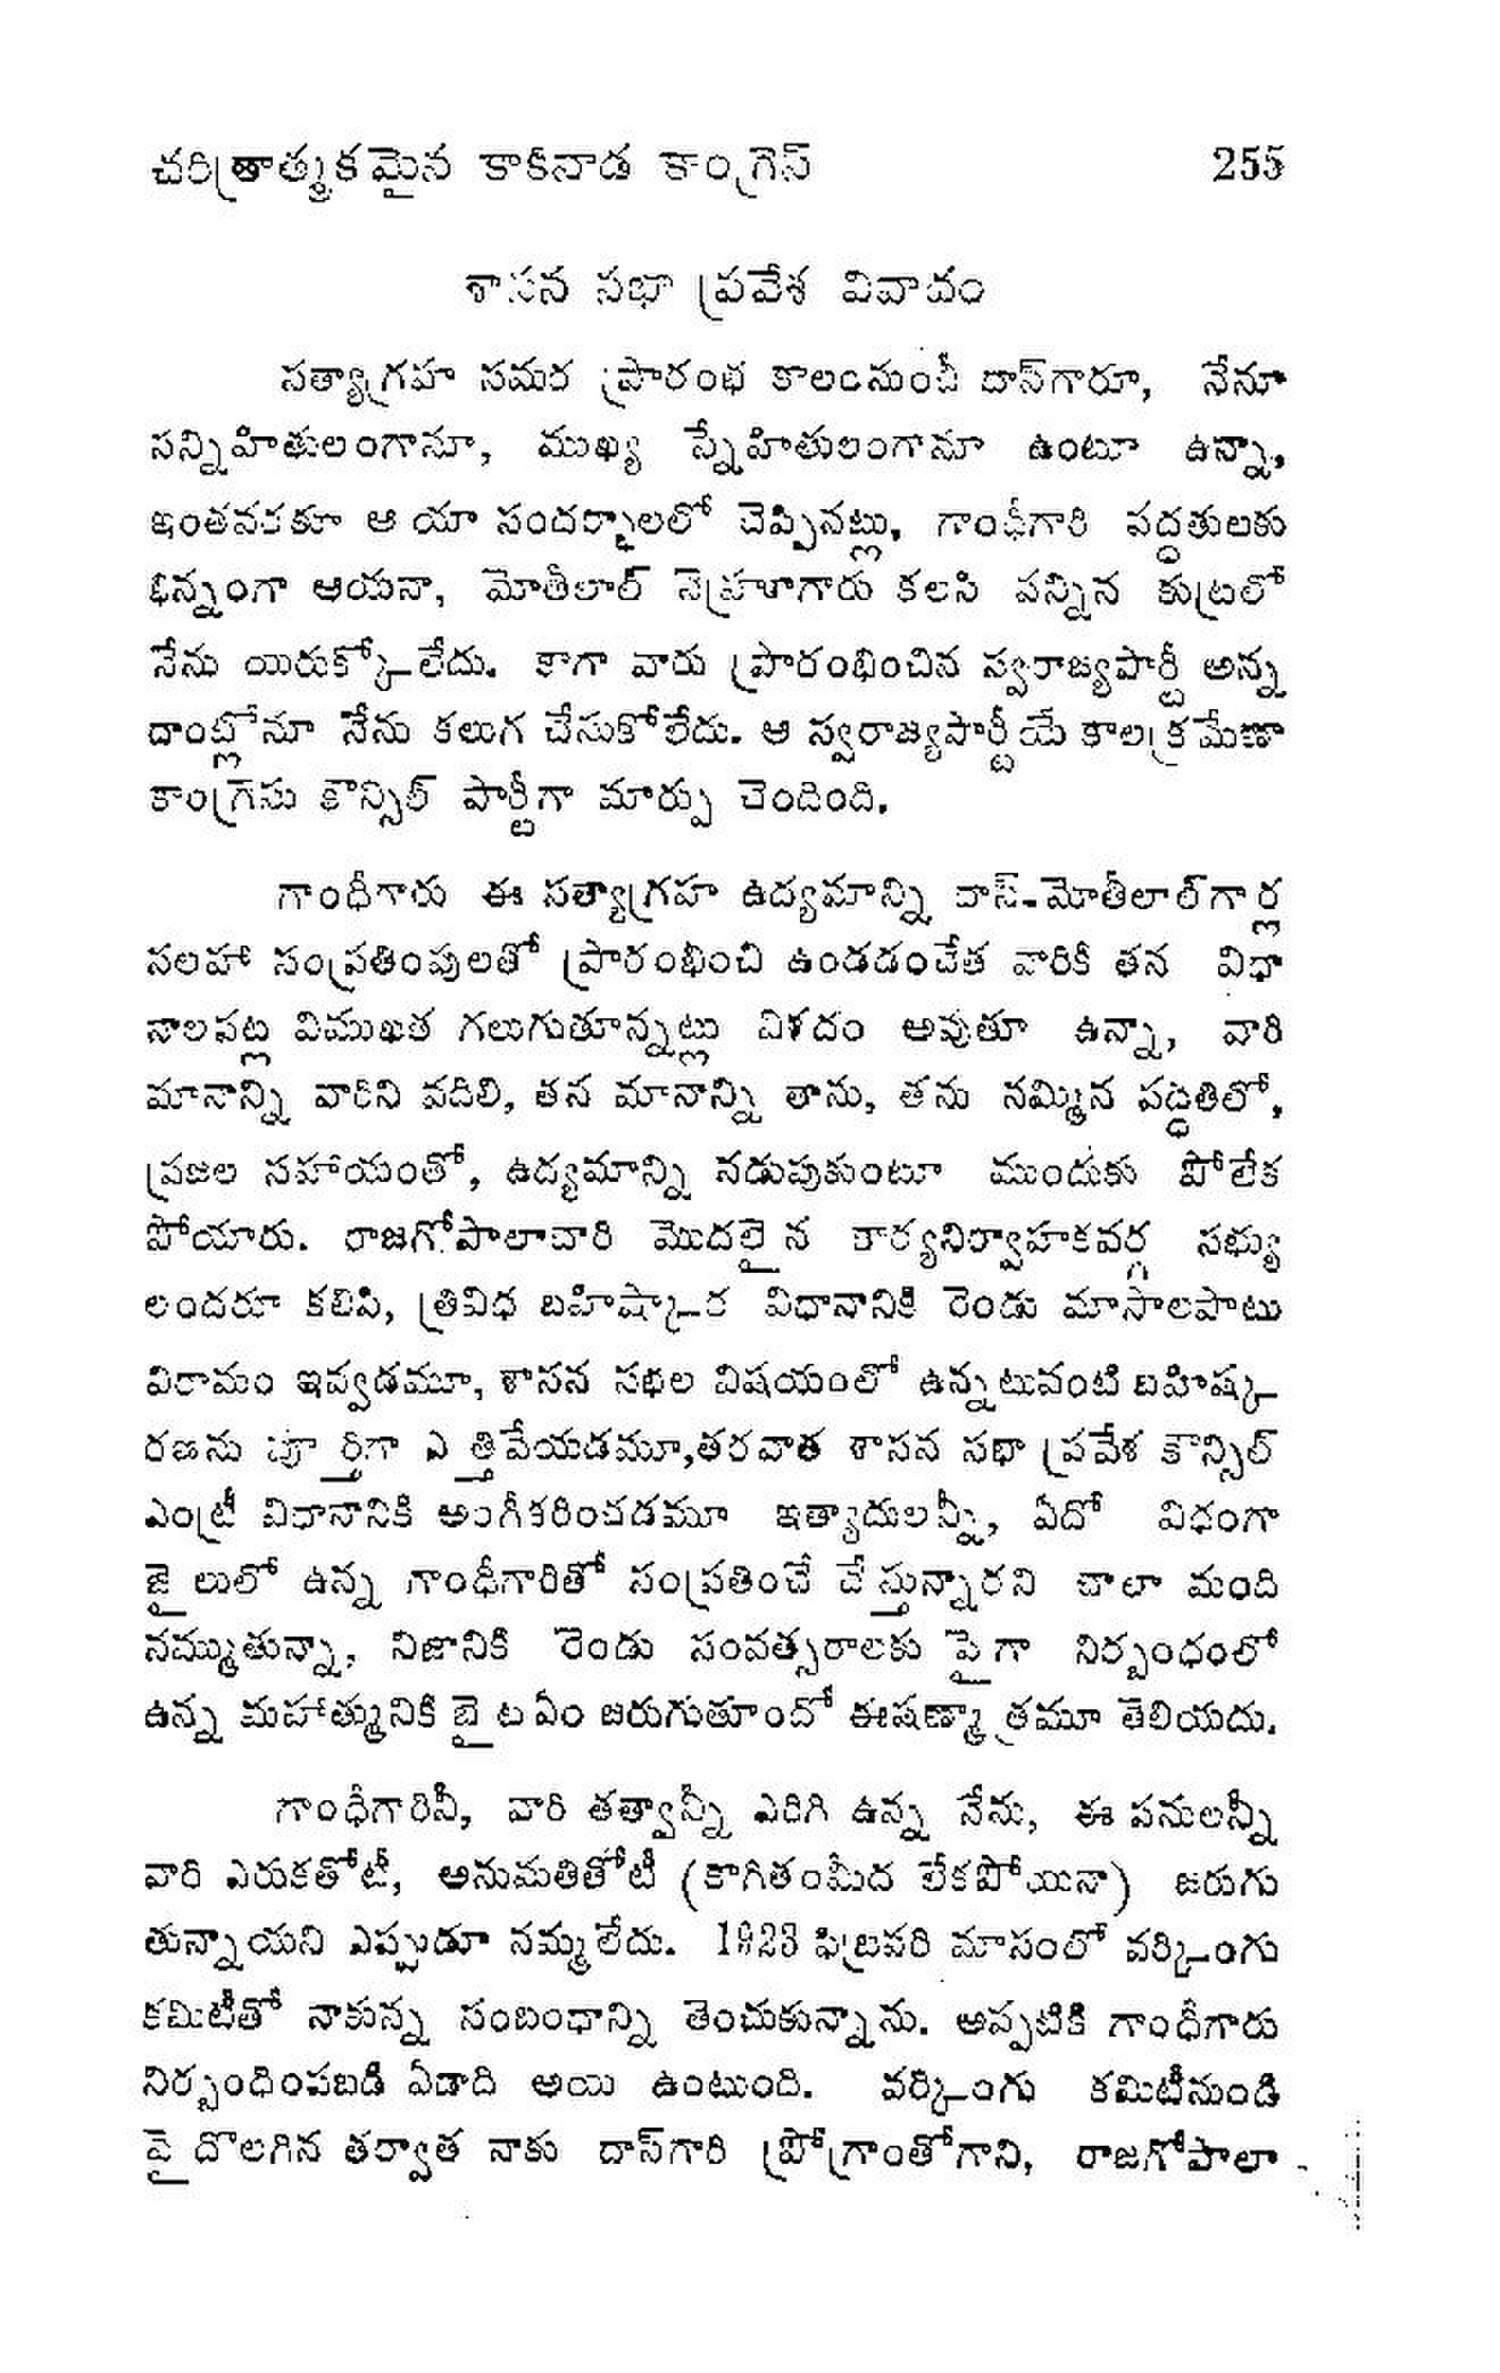సత్యాగ్రహ సమర ప్రారంభ కాలంనుంచీ దాస్‌గారూ, నేనూ సన్నిహితులంగానూ, ముఖ్య స్నేహితులంగానూ ఉంటూ ఉన్నా, ఇంతవరకూ ఆయా సందర్భాలలో చెప్పినట్లు, గాంధీగారి పద్ధతులకు భిన్నంగా ఆయనా, మోతిలాల్ నెహ్రూగారు కలసి పన్నిన కుట్రలో నేను యిరుక్కోలేదు. కాగా వారు ప్రారంభించిన స్వరాజ్యపార్టీ అన్న దాంట్లోనూ నేను కలుగ చేసుకోలేదు. ఆ స్వరాజ్యపార్టీయే కాలక్రమేణా కాంగ్రెసు కౌన్సిల్ పార్టీగా మార్పు చెందింది.

గాంధీగారు ఈ సత్యాగ్రహ ఉద్యమాన్ని దాస్-మోతిలాల్‌గార్ల సలహా సంప్రతింపులతో ప్రారంభించి ఉండడంచేత వారికి తన విధానాలపట్ల విముఖత గలుగుతూన్నట్లు విశదం అవుతూ ఉన్నా, వారి మానాన్ని వారిని వదిలి, తన మానాన్ని తాను, తను నమ్మిన పద్ధతిలో, ప్రజల సహాయంతో, ఉద్యమాన్ని నడుపుకుంటూ ముందుకు పోలేక పోయారు. రాజగోపాలాచారి మొదలైన కార్యనిర్వాహకవర్గ సభ్యులందరూ కలిసి, త్రివిధ బహిష్కార విధానానికి రెండు మాసాలపాటు విరామం ఇవ్వడమూ, శాసన సభల విషయంలో ఉన్నటువంటి బహిష్కరణను పూర్తిగా ఎత్తివేయడమూ, తరవాత శాసన సభా ప్రవేశ కౌన్సిల్ ఎంట్రీ విధానానికి అంగీకరించడమూ ఇత్యాదులన్నీ, ఏదో విధంగా జైలులో ఉన్న గాంధీగారితో సంప్రతించే చేస్తున్నారని చాలా మంది నమ్ముతున్నా, నిజానికి రెండు సంవత్సరాలకు పైగా నిర్భంధంలో ఉన్న మహాత్మునికి బైట ఏం జరుగుతూందో ఈషణ్మాత్రమూ తెలియదు.

గాంధీగారినీ, వారి తత్త్వాన్నీ ఎరిగి ఉన్న నేను, ఈ పనులన్నీ వారి ఎరుకతోటీ, అనుమతతోటీ (కాగితంమీద లేకపోయినా) జరుగుతున్నాయని ఎప్పుడూ నమ్మలేదు. 1923 ఫిబ్రవరి మాసంలో వర్కింగు కమిటీతో నాకున్న సంబంధాన్ని తెంచుకున్నాను. అప్పటికి గాంధీగారు నిర్సంధింపబడి ఏడాది అయి ఉంటుంది. వర్కింగు కమిటీనుండి వైదొలగిన తర్వాత నాకు దాస్‌గారి ప్రోగ్రాంతోగాని, రాజగోపాలా